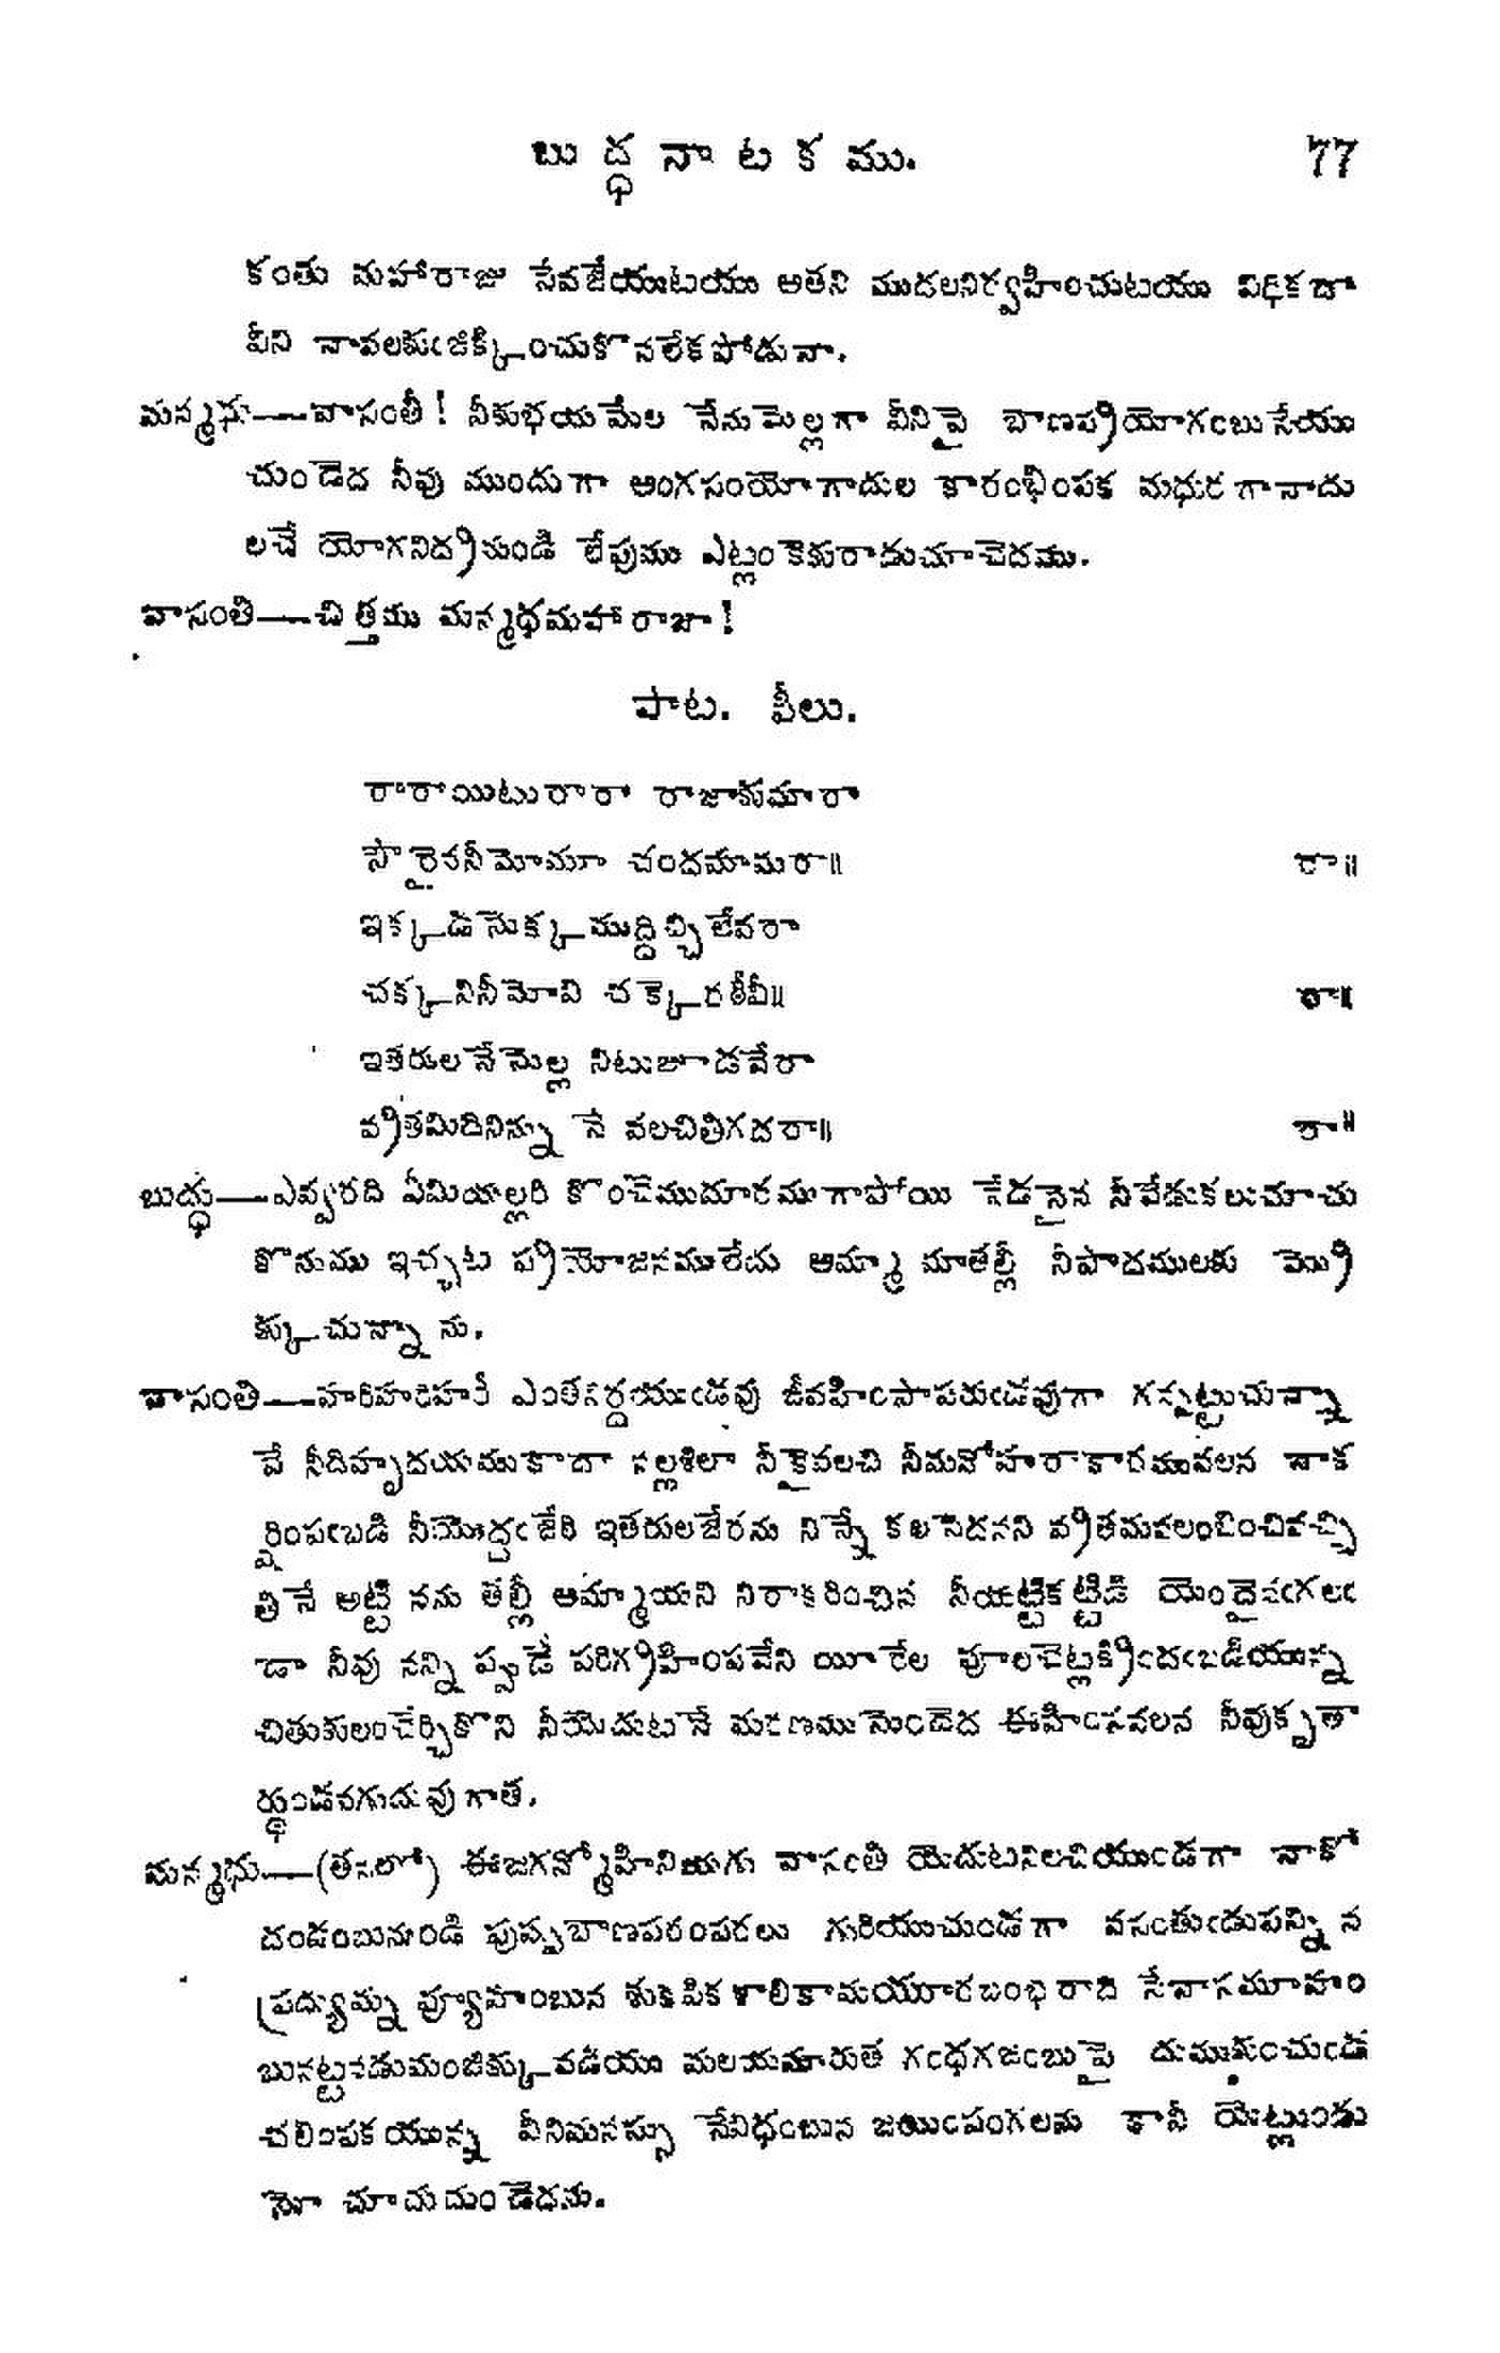కంతు మహారాజు సేవజేయుటయు అతని ముదలనిర్వహించుటయు విధికదా వీని నావలకుఁజిక్కించుకొనలేకపోడునా.

మన్మను - వాసంతీ! నీకుభయమేల నేనుమెల్లగా వీనిపై బాణప్రయోగంబుసేయు చుండెద నీవు ముందుగా అంగసంయోగాదుల 
కారంభింపక మధురగానాదులచే యోగనిద్ర నుండి లేపును ఎట్లంకెకురాడుచూచెదము.

వాసంతి - చిత్తము మన్మధమహారాజా!

రారాయిటురారా రాజాకుమారా
సౌరైరనీమోమూ చందమామ రా॥ ॥రా॥ 
ఇక్కడనెక్క ముద్దిచ్చిలేవరా
చక్కవినీమోవి చక్కెరఠీవీ॥ ॥రా॥ 
ఇతరులనేమెల్ల నిటుజూడవేరా
వ్రతమిదినిన్ను నే వలచితిగదరా॥రా॥ 

బుద్ధు — ఎవ్వరది ఏమియాల్లరి కొంచెముదూరముగాపోయి నేడనైన నీవేడుకలుచూచు కొనుము ఇచ్చట ప్రయోజనములేదు.
అమ్మా మాతల్లీ నీపాదములకు మొక్కుచున్నాను.

వాసంతి - హరిహరిహరీ ఎంతనిర్దయుఁడవు జీవహింసపాపరుఁడవుగా గన్నట్టుచున్నావే నిది హృదయముకాదా నల్లశిలా నీకైవలచి 
నీమనోహరాకారమువలన నాకర్షింపఁబడి నీయెద్దఁజేరి ఇతరులజేరను నిన్నేకలపెదనని వ్రతమవలంబించివచ్చితినే అట్టి నను తల్లీ అమ్మాయని నిరాకరించిన నీయట్టికట్టిడి యెందైనఁగలఁడా నీవు నన్నిప్పుడే పరిగ్రహింపవేని యీరేల పూలచెట్లకిందఁబడియున్న
చితుకులంచేర్చికొని నీయెదుటనే మరణముమెందెద ఈహింసవలన నీవుకృతార్ధుండరగుడువుగాత.

మన్మధు - (తనలో) ఈజగన్మోహినియగు వాసంతి యెదుటనిలచియుండగా నాకోదండంబునుండి పుష్పబాణపరంపరలు 
గురియుచుండగా వసంతుఁడుపన్నిన ప్రద్యుమ్న వ్యూహంబున శుకపికశాలికామయూరబంభిరాది సేవాసమూహంబునట్టనడు
మంజిక్కువడియు మలయమారుత గంధగజంబుపై దుముకుంచుండ చలింపకయున్న వీనిమనస్సు నేవిధంబున 
జయింపంగలను కానీ యెట్లుండునొ చూచుచుండెదను.